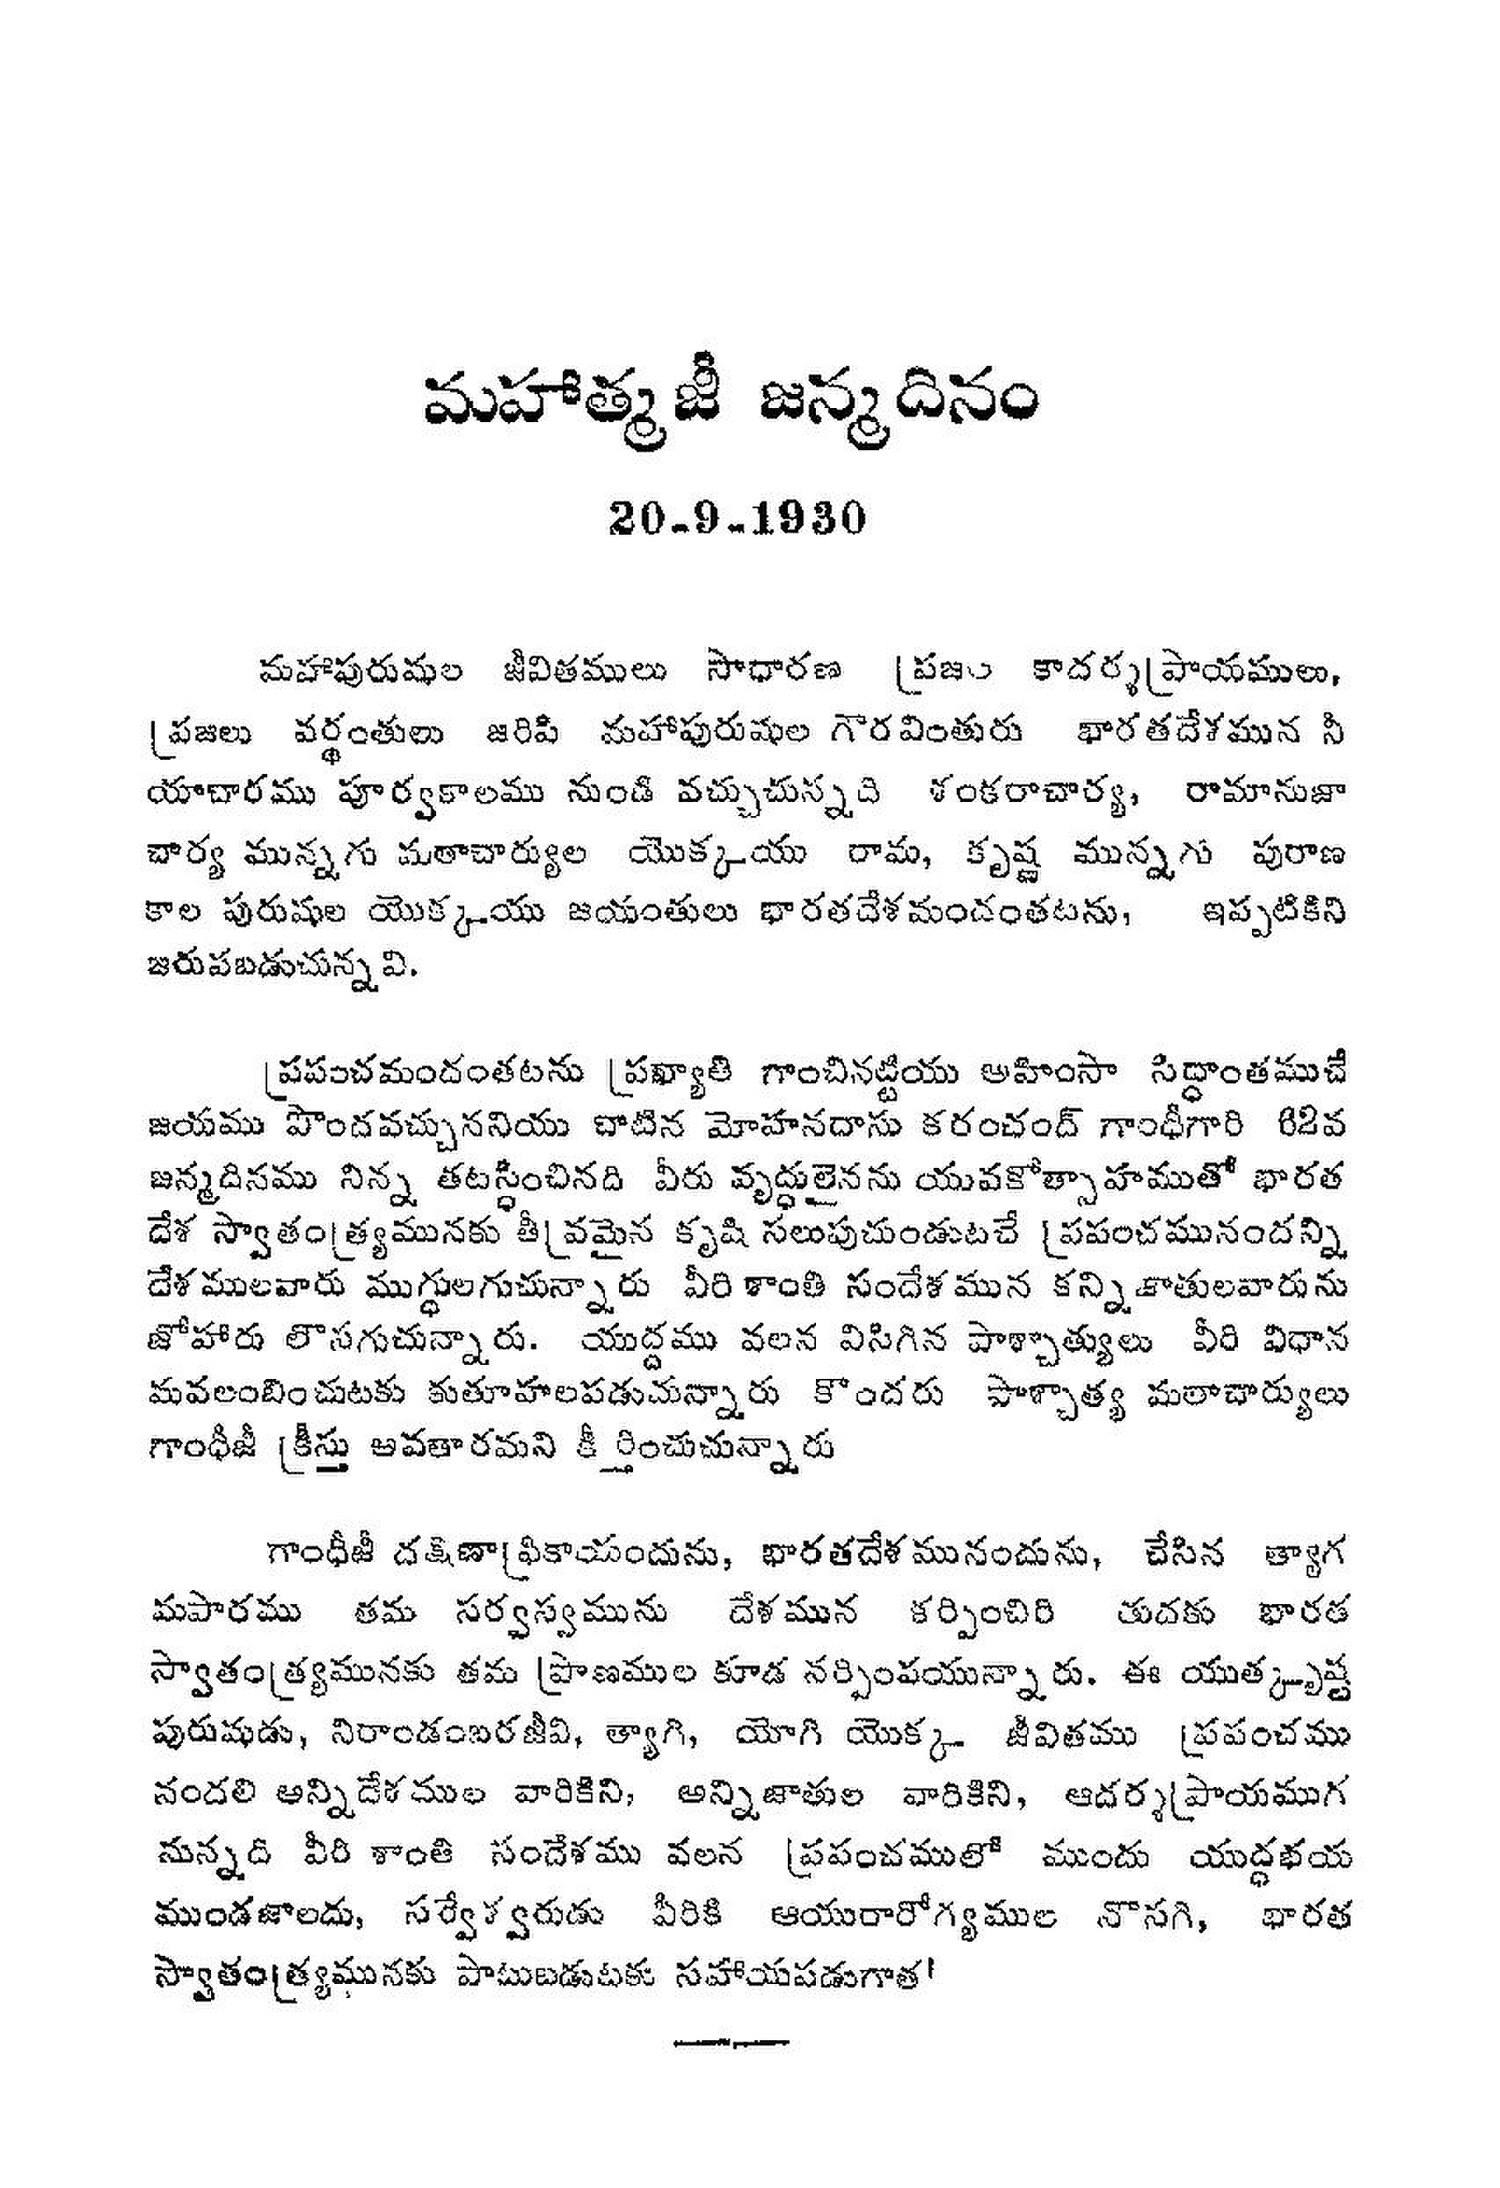మహాత్మజీ జన్మదినం

20 - 9 - 1930

మహాపురుషుల జీవితములు సాధారణ ప్రజల కాదర్శప్రాయములు, ప్రజలు వర్థంతులు జరిపి మహాపురుషుల గౌరవింతురు భారతదేశమున నీ యాచారము పూర్వకాలము నుండి వచ్చుచున్నది శంకరాచార్య, రామానుజాచార్య మున్నగు మతాచార్యుల యొక్కయు రామ, కృష్ణ మున్నగు పురాణకాల పురుషుల యొక్కయు జయంతులు భారతదేశమందంతటను, ఇప్పటికిని జరుపబడుచున్నవి.

ప్రపంచమందంతటను ప్రఖ్యాతి గాంచినట్టియు అహింసా సిద్ధాంతముచే జయము పొందవచ్చుననియు చాటిన మోహనదాసు కరంచంద్ గాంధీగారి 62వ జన్మదినము నిన్న తటస్థించినది వీరు వృద్ధులైనను యువకోత్సాహముతో భారతదేశ స్వాతంత్ర్యమునకు తీవ్రమైన కృషి సలుపుచుండుటచే ప్రపంచమునందన్ని దేశములవారు ముగ్ధులగుచున్నారు వీరి శాంతి సందేశమున కన్ని జాతులవారును జోహారు లొసగుచున్నారు. యుద్ధము వలన విసిగిన పాశ్చాత్యులు వీరి విధాన మవలంబించుటకు కుతూహలపడుచున్నారు కొందరు పాశ్చాత్య మతాచార్యులు
గాంధీజీ క్రీస్తు అవతారమని కీర్తించుచున్నారు

గాంధీజీ దక్షిణాఫ్రికాయందును, భారతదేశమునందును, చేసిన త్యాగ మపారము తమ సర్వస్వమును దేశమున కర్పించిరి తుదకు భారత స్వాతంత్ర్యమునకు తమ ప్రాణముల కూడ నర్పింపయున్నారు. ఈ యుత్కృష్ట పురుషుడు, నిరాండంబరజీవి, త్యాగి, యోగి యొక్క జీవితము ప్రపంచమునందలి అన్నిదేశముల వారికిని, అన్నిజాతుల వారికిని, ఆదర్శప్రాయముగ నున్నది వీరి శాంతి సందేశము వలన ప్రపంచములో ముందు యుద్ధభయ ముండజాలదు, సర్వేశ్వరుడు వీరికి ఆయురారోగ్యముల నొసగి, భారత స్వాతంత్ర్యమునకు పాటుబడుటకు సహాయపడుగాత!